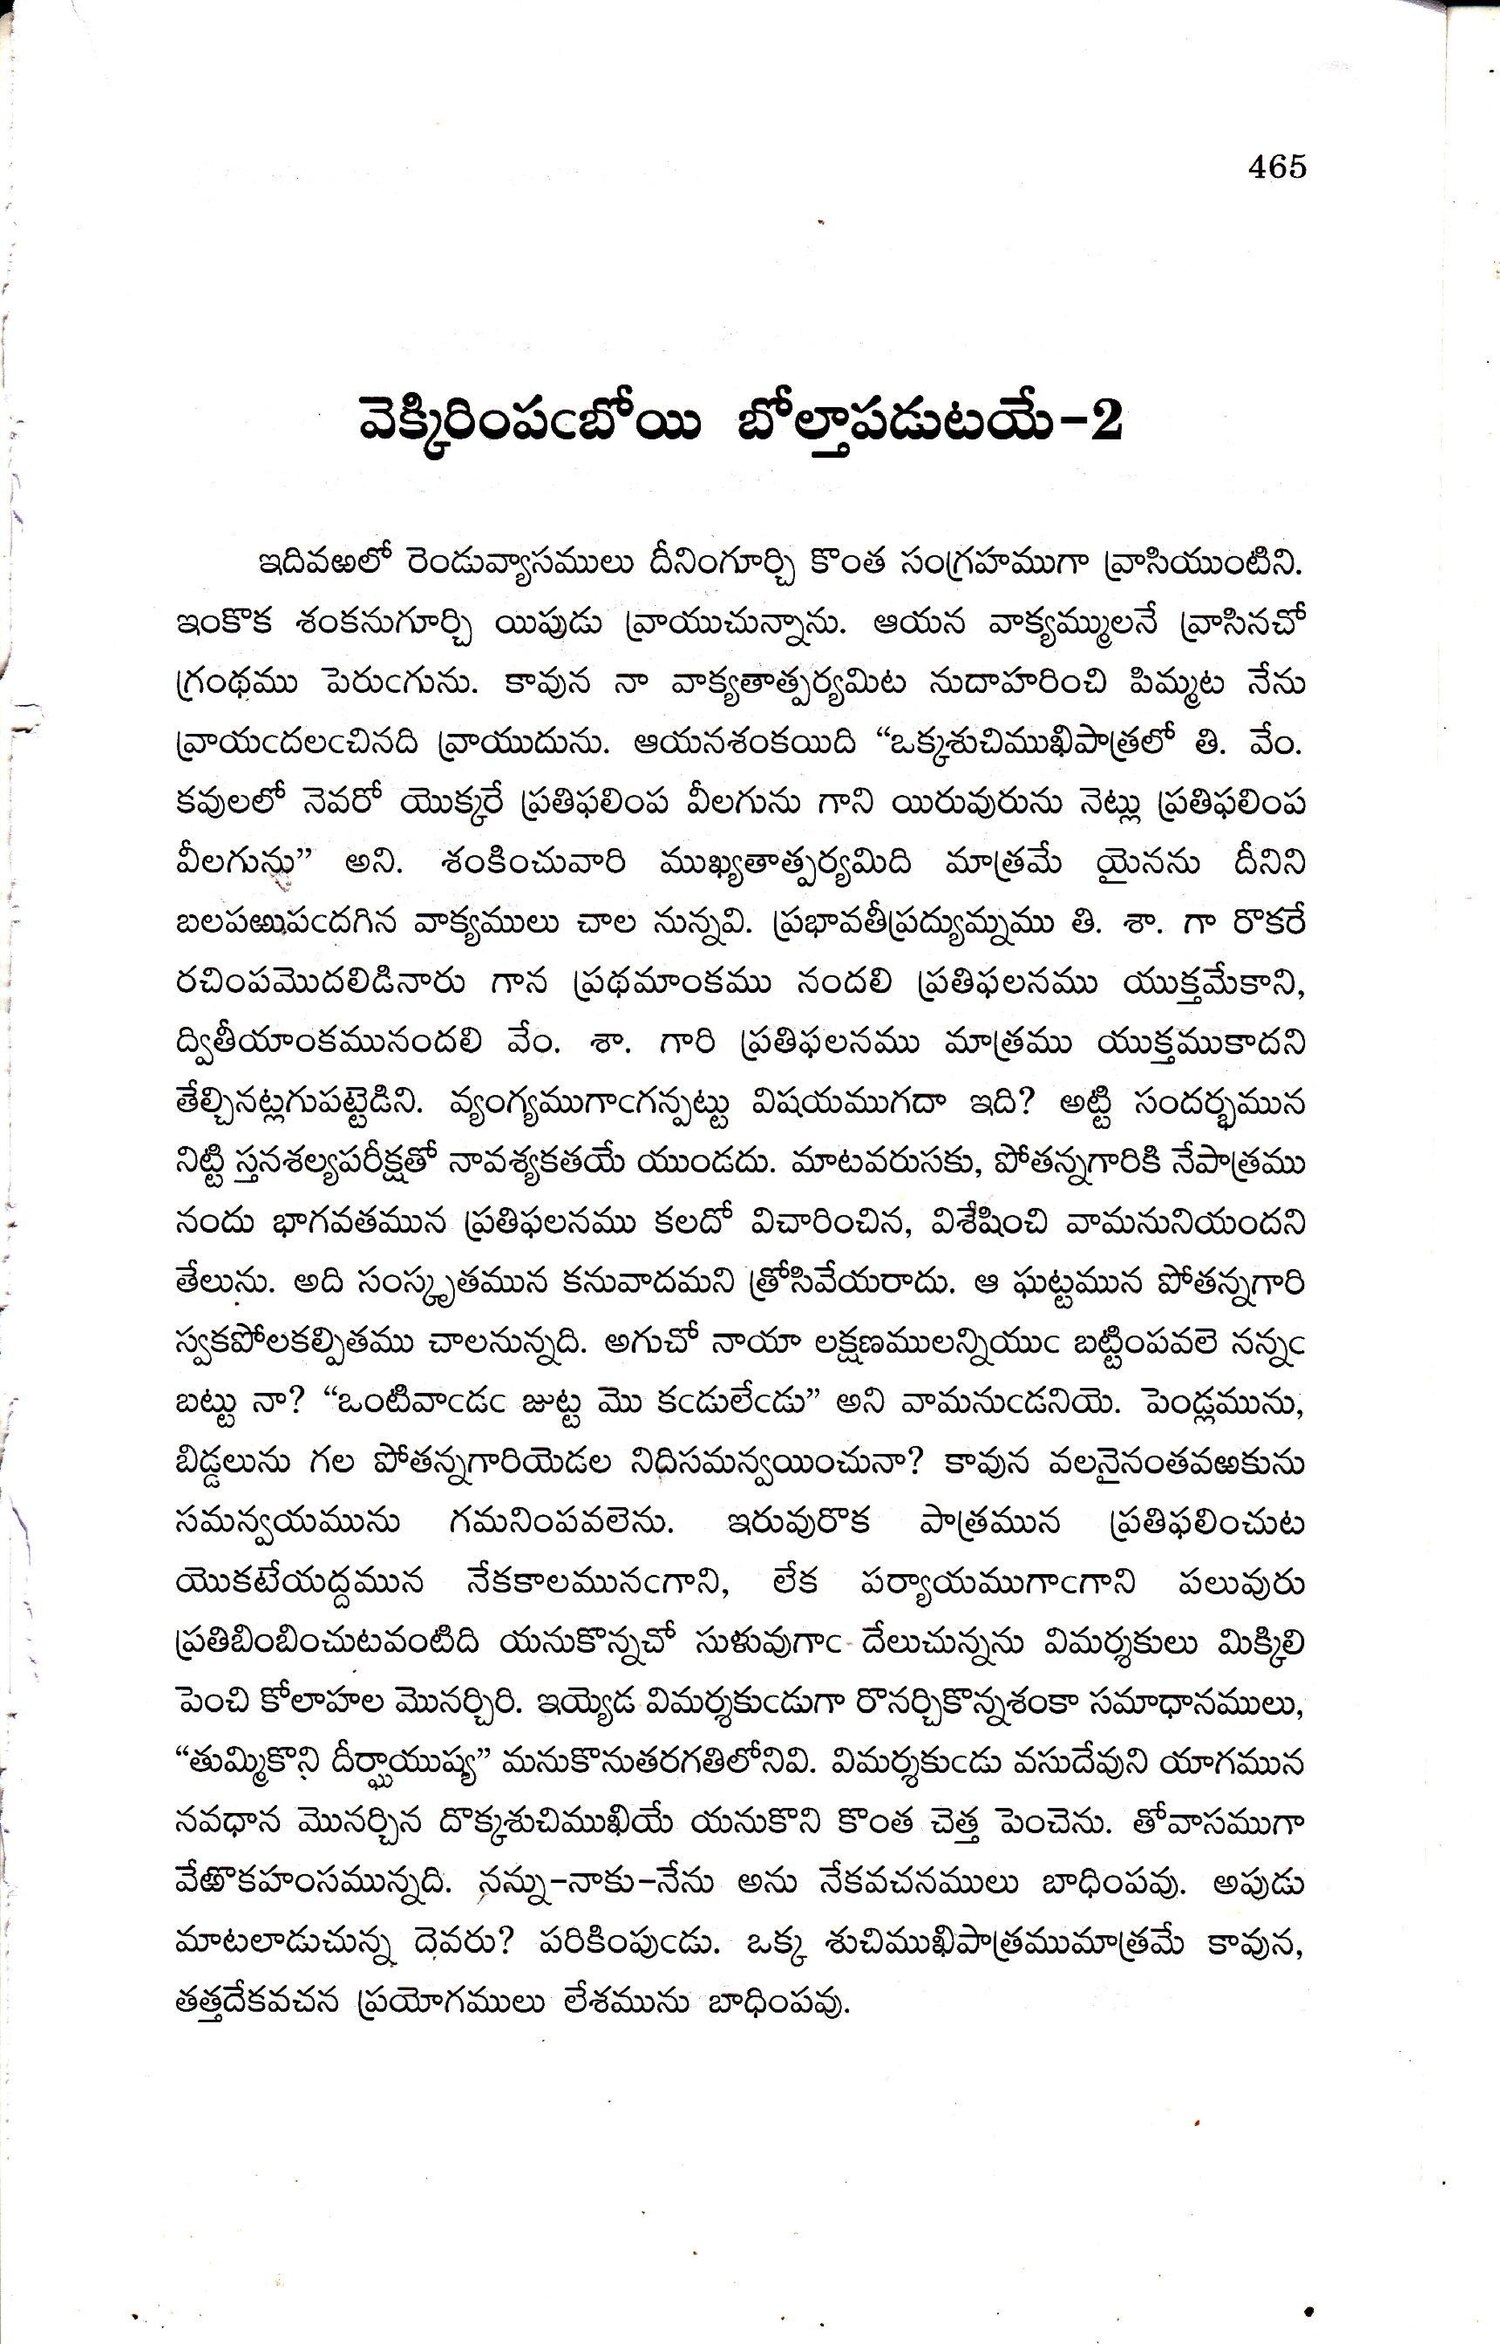వెక్కిరింపఁబోయి బోల్తాపడుటయే-2

ఇదివఱలో రెండువ్యాసములు దీనింగూర్చి కొంత సంగ్రహముగా వ్రాసియుంటిని. ఇంకొక శంకనుగూర్చి యిపుడు వ్రాయుచున్నాను. ఆయన వాక్యమ్ములనే వ్రాసినచో గ్రంథము పెరుఁగును. కావున నా వాక్యతాత్పర్యమిట నుదాహరించి పిమ్మట నేను వ్రాయఁదలఁచినది వ్రాయుదును. ఆయనశంకయిది “ఒక్కశుచిముఖిపాత్రలో తి. వేం. కవులలో నెవరో యొక్కరే ప్రతిఫలింప వీలగును గాని యిరువురును నెట్లు ప్రతిఫలింప వీలగును" అని. శంకించువారి ముఖ్యతాత్పర్యమిది మాత్రమే యైనను దీనిని బలపఱుపఁదగిన వాక్యములు చాల నున్నవి. ప్రభావతీప్రద్యుమ్నము తి. శా. గా రొకరే రచింపమొదలిడినారు గాన ప్రథమాంకము నందలి ప్రతిఫలనము యుక్తమేకాని, ద్వితీయాంకమునందలి వేం. శా. గారి ప్రతిఫలనము మాత్రము యుక్తముకాదని తేల్చినట్లగుపట్టెడిని. వ్యంగ్యముగాఁగన్పట్టు విషయముగదా ఇది? అట్టి సందర్భమున నిట్టి స్తనశల్యపరీక్షతో నావశ్యకతయే యుండదు. మాటవరుసకు, పోతన్నగారికి నేపాత్రము నందు భాగవతమున ప్రతిఫలనము కలదో విచారించిన, విశేషించి వామనునియందని తేలును. అది సంస్కృతమున కనువాదమని త్రోసివేయరాదు. ఆ ఘట్టమున పోతన్నగారి స్వకపోలకల్పితము చాలనున్నది. అగుచో నాయా లక్షణములన్నియుఁ బట్టింపవలె నన్నఁ బట్టు నా? “ఒంటివాఁడఁ జుట్ట మొు కఁడులేఁడు" అని వామనుఁడనియె. పెండ్లమును, బిడ్డలును గల పోతన్నగారియెడల నిదిసమన్వయించునా? కావున వలనైనంతవఱకును సమన్వయమును గమనింపవలెను. ఇరువురొక పాత్రమున ప్రతిఫలించుట యొకటేయద్దమున నేకకాలమునఁగాని, లేక పర్యాయముగాఁగాని పలువురు ప్రతిబింబించుటవంటిది యనుకొన్నచో సుళువుగాఁ దేలుచున్నను విమర్శకులు మిక్కిలి పెంచి కోలాహల మొనర్చిరి. ఇయ్యెడ విమర్శకుఁడుగా రొనర్చికొన్నశంకా సమాధానములు, “తుమ్మికొని దీర్గాయుష్య" మనుకొనుతరగతిలోనివి. విమర్శకుఁడు వసుదేవుని యాగమున నవధాన మొనర్చిన దొక్కశుచిముఖియే యనుకొని కొంత చెత్త పెంచెను. తోవాసముగా వేఱొకహంసమున్నది. నన్ను-నాకు-నేను అను నేకవచనములు బాధింపవు. అపుడు మాటలాడుచున్న దెవరు? పరికింపుఁడు. ఒక్క శుచిముఖిపాత్రముమాత్రమే కావున, తత్తదేకవచన ప్రయోగములు లేశమును బాధింపవు.